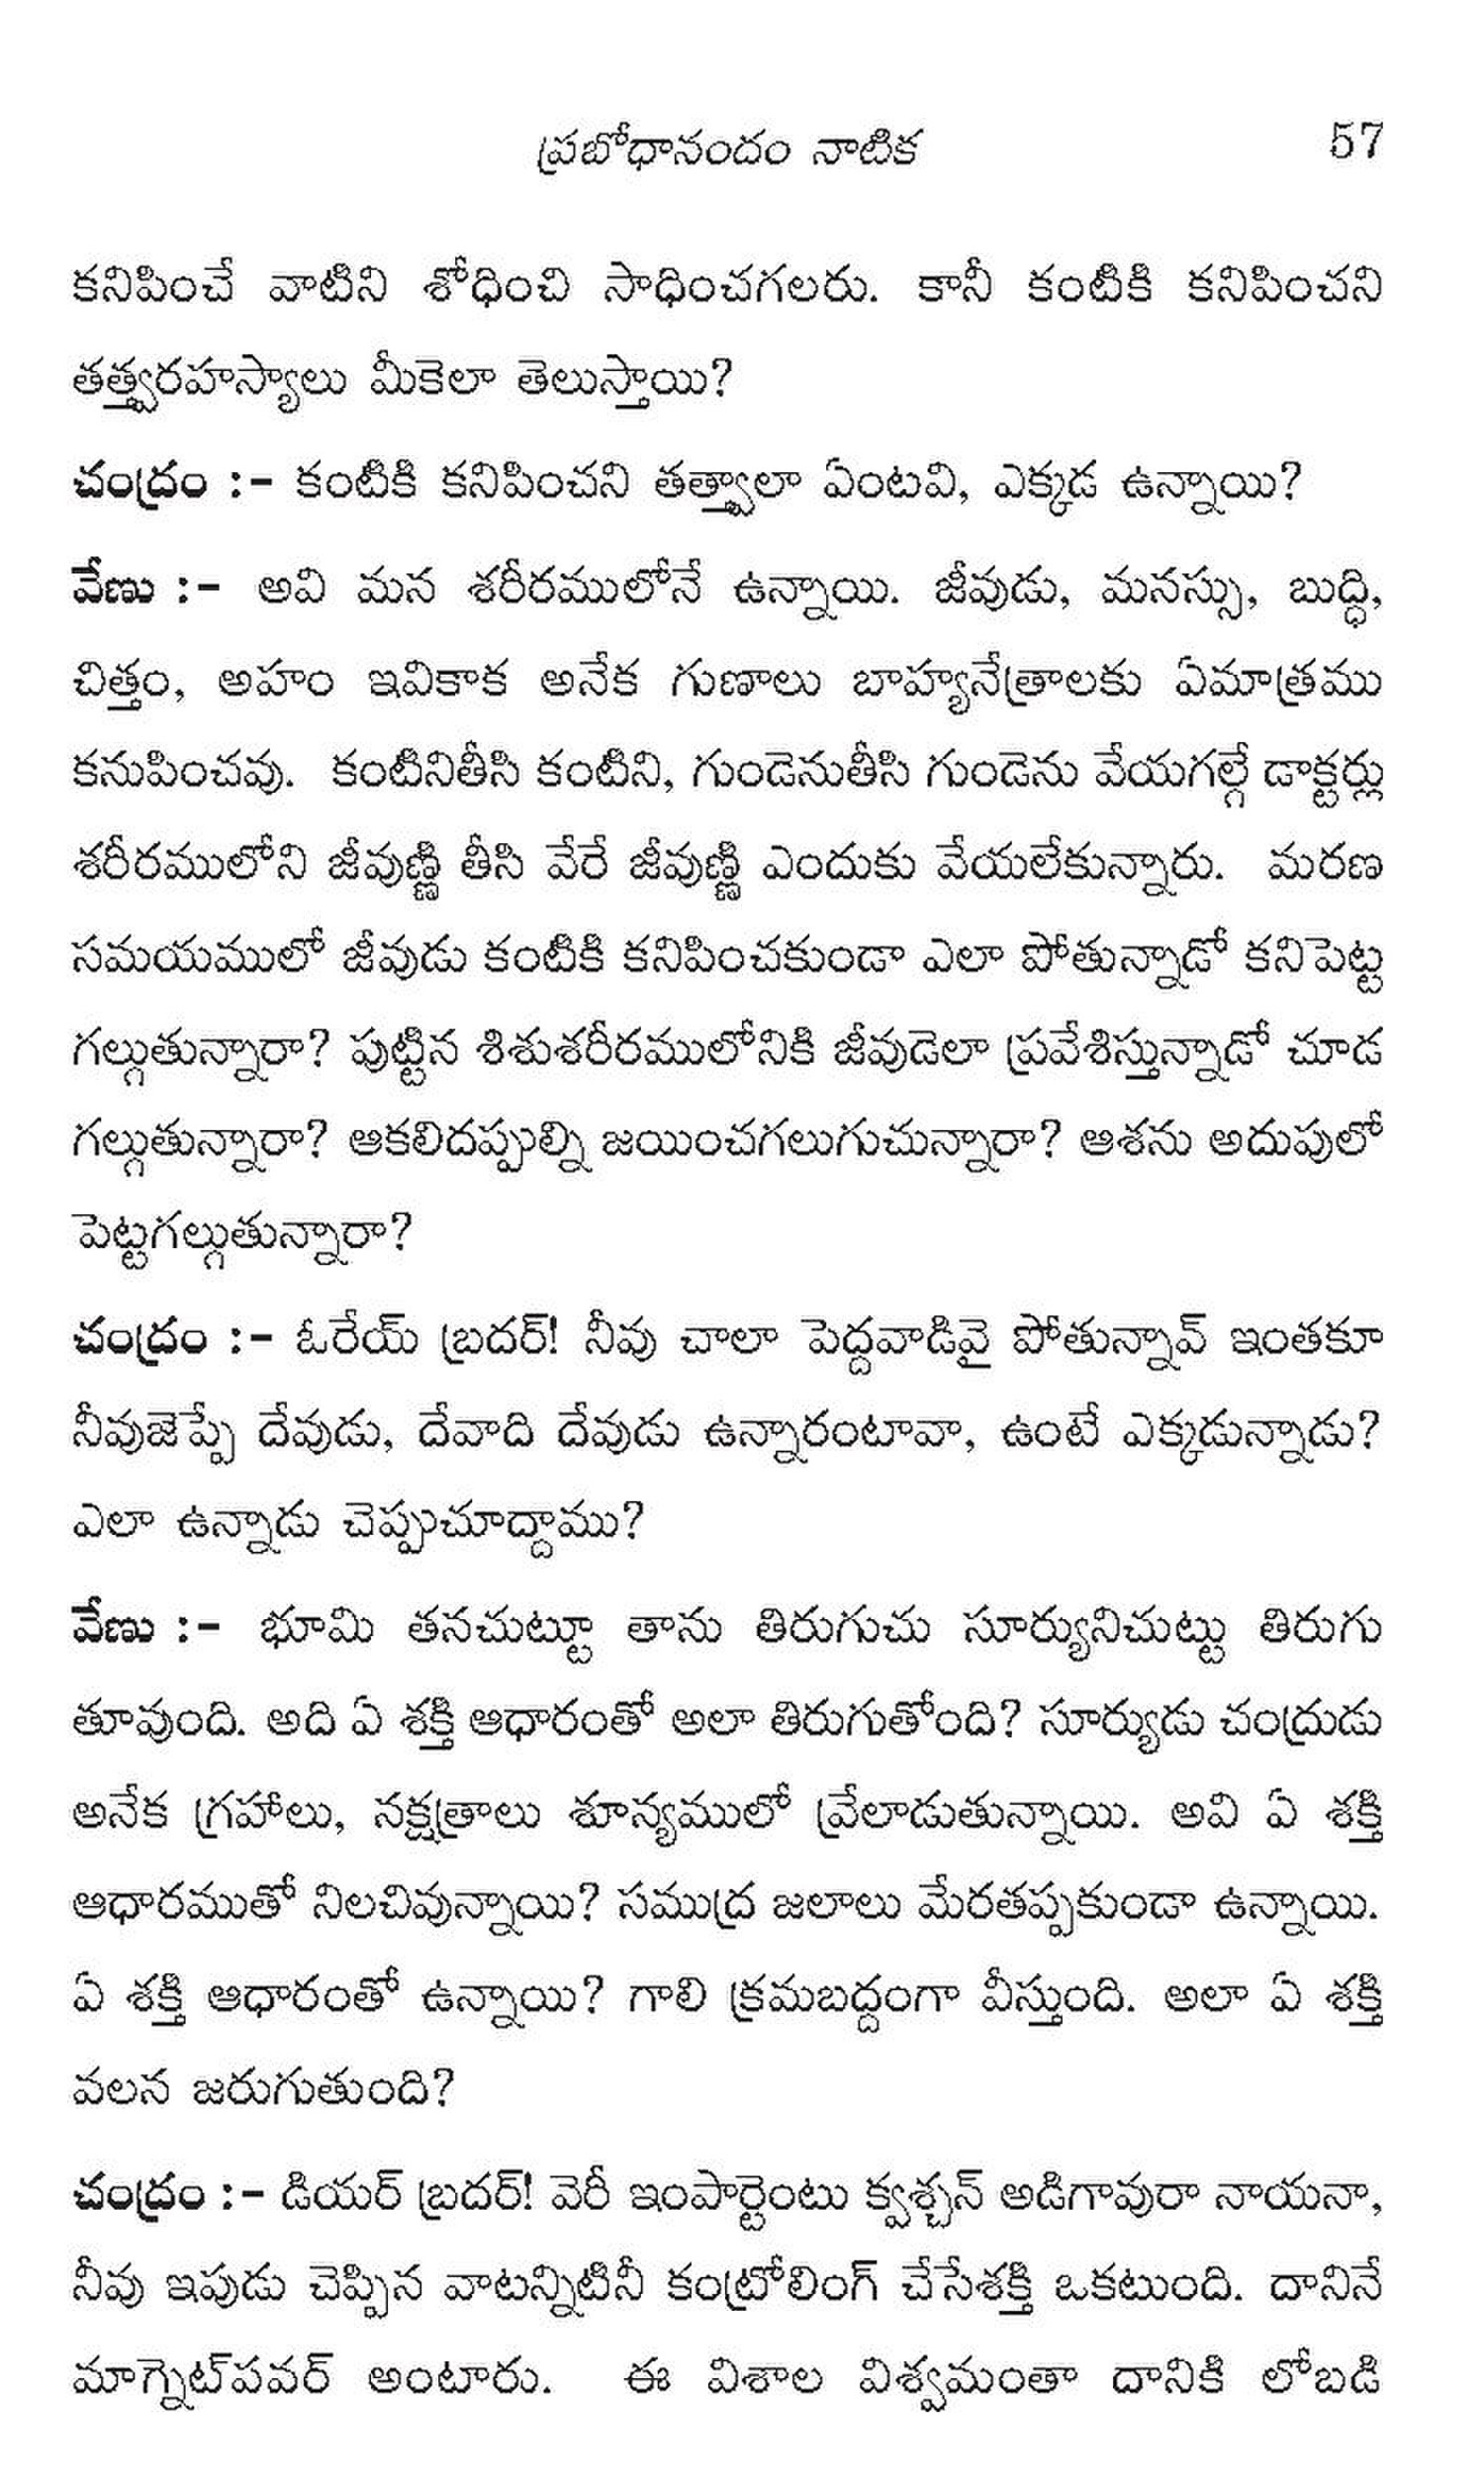కనిపించే వాటిని శోధించి సాధించగలరు. కానీ కంటికి కనిపించని తత్త్వరహస్యాలు మీకెలా తెలుస్తాయి?

చంద్రం :- కంటికి కనిపించని తత్త్వాలా ఏంటవి, ఎక్కడ ఉన్నాయి?

వేణు :-	 అవి మన శరీరములోనే ఉన్నాయి. జీవుడు, మనస్సు, బుద్ధి, చిత్తం, అహం ఇవికాక అనేక గుణాలు బాహ్యనేత్రాలకు ఏమాత్రము కనుపించవు. కంటినితీసి కంటిని, గుండెనుతీసి గుండెను వేయగల్గే డాక్టర్లు శరీరములోని జీవుణ్ణి తీసి వేరే జీవుణ్ణి ఎందుకు వేయలేకున్నారు. మరణ సమయములో జీవుడు కంటికి కనిపించకుండా ఎలా పోతున్నాడో కనిపెట్టగల్గుతున్నారా? పుట్టిన శిశుశరీరములోనికి జీవుడెలా ప్రవేశిస్తున్నాడో చూడగల్గుతున్నారా? ఆకలిదప్పుల్ని జయించగలుగుచున్నారా? ఆశను అదుపులో పెట్టగల్గుతున్నారా?

చంద్రం :- ఓరేయ్‌ బ్రదర్‌! నీవు చాలా పెద్దవాడివై పోతున్నావ్‌ ఇంతకూ నీవుజెప్పే దేవుడు, దేవాది దేవుడు ఉన్నారంటావా, ఉంటే ఎక్కడున్నాడు? ఎలా ఉన్నాడు చెప్పుచూద్దాము?

వేణు :-	 భూమి తనచుట్టూ తాను తిరుగుచు సూర్యునిచుట్టు తిరుగుతూ వుంది. అది ఏ శక్తి ఆధారంతో అలా తిరుగుతోంది? సూర్యుడు చంద్రుడు అనేక గ్రహాలు, నక్షత్రాలు శూన్యములో వ్రేలాడుతున్నాయి. అవి ఏ శక్తి ఆధారముతో నిలచివున్నాయి? సముద్ర జలాలు మేరతప్పకుండా ఉన్నాయి. ఏ శక్తి ఆధారంతో ఉన్నాయి? గాలి క్రమబద్దంగా వీస్తుంది. అలా ఏ శక్తి వలన జరుగుతుంది?

చంద్రం :- డియర్‌ బ్రదర్‌! వెరీ ఇంపార్టెంటు క్వశ్చన్‌ అడిగావురా నాయనా, నీవు ఇపుడు చెప్పిన వాటన్నిటినీ కంట్రోలింగ్‌ చేసేశక్తి ఒకటుంది. దానినే మాగ్నెట్‌పవర్‌ అంటారు. ఈ విశాల విశ్వమంతా దానికి లోబడి